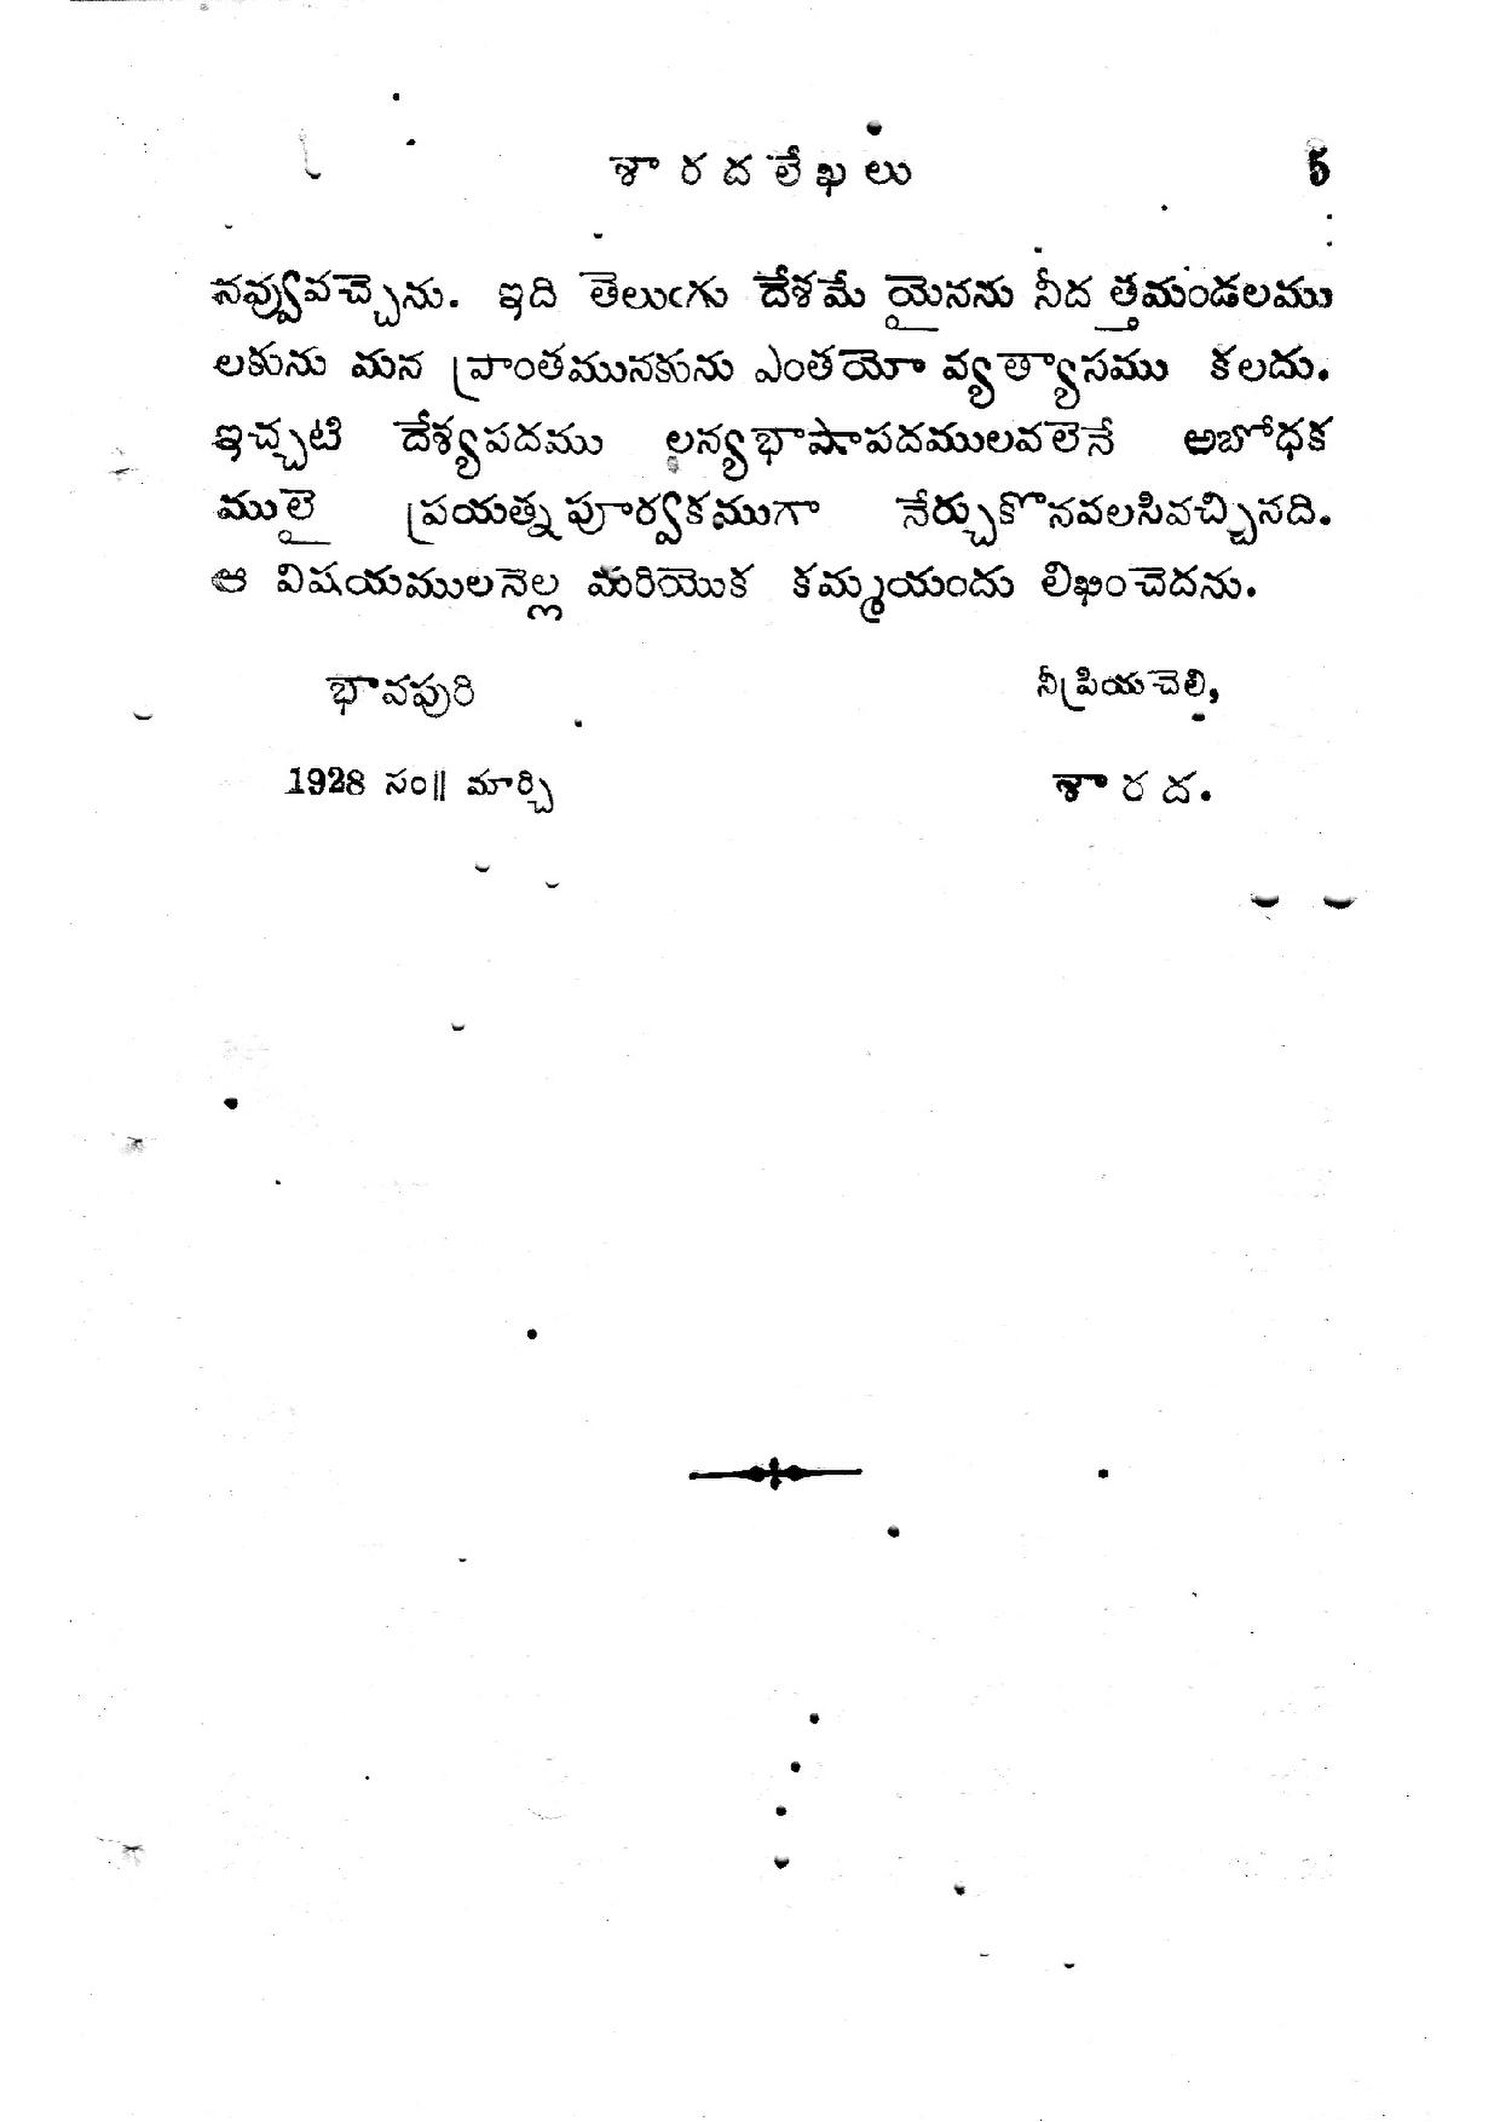నవ్వువచ్చెను. ఇది తెలుఁగు దేశమే యైనను నీదత్తమండలములకును మన ప్రాంతమునకును ఎంతయో వ్యత్యాసము కలదు. ఇచ్చటి దేశ్యపదము లన్యభాషాపదములవలెనే అబోధకములై ప్రయత్నపూర్వకముగా నేర్చుకొనవలసివచ్చినది. ఆ విషయములనెల్ల మరియొక కమ్మయందు లిఖించెదను.